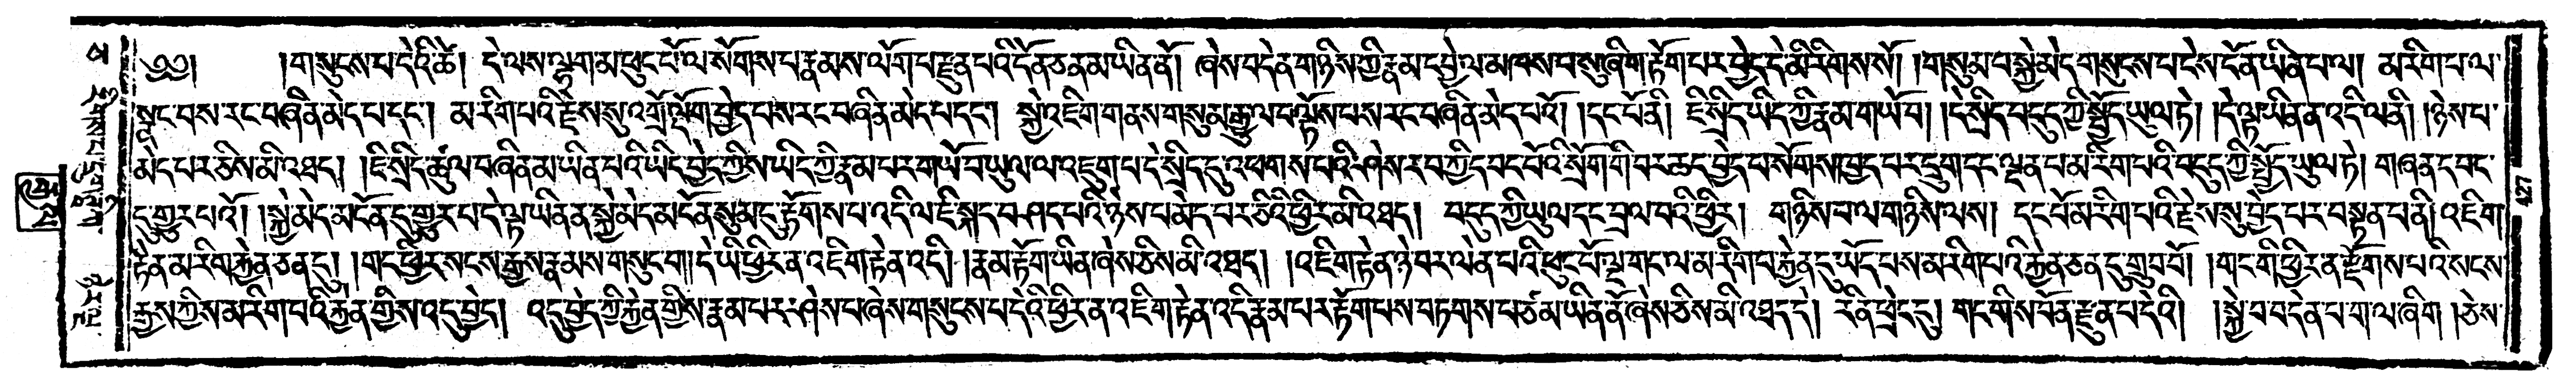༄༅། །གསུངས་པ་དེའི་ཚེ། དེ་ལས་ལྷག་མ་ཕུང་པོ་ལ་སོགས་པ་རྣམས་ལོག་པ་རྫུན་པའི་དོན་ཅན་མ་ཡིན་ནོ། ཞེས་བདེན་གཉིས་ཀྱི་རྣམ་དབྱེ་ལ་མཁས་པ་སུ་ཞིག་རྟོག་པར་བྱེད་དེ་མི་རིགས་སོ། །གསུམ་པ་སྐྱེ་མེད་གསུངས་པ་ངེས་དོན་ཡིན་པ་ལ། མ་རིག་པ་ལ་
སྣང་བས་རང་བཞིན་མེད་པ་དང་། མ་རིག་པའི་རྗེས་སུ་འགྲོ་ལྡོག་བྱེད་པས་རང་བཞིན་མེད་པ་དང་། སྐྱེ་འཇིག་གནས་གསུམ་རྒྱུ་ལ་བལྟོས་པས་རང་བཞིན་མེད་པའོ། །དང་པོ་ནི། ཇི་སྲིད་ཡིད་ཀྱི་རྣམ་གཡོ་བ། །དེ་སྲིད་བདུད་ཀྱི་སྤྱོད་ཡུལ་ཏེ། །དེ་ལྟ་ཡིན་ན་འདི་ལ་ནི། །ཉེས་པ་
མེད་པར་ཅིས་མི་འཐད། །ཇི་སྲིད་ཚུལ་བཞིན་མ་ཡིན་པའི་ཡིད་བྱེད་ཀྱིས་ཡིད་ཀྱི་རྣམ་པར་གཡོ་བ་ཡུལ་ལ་འཇུག་པ་དེ་སྲིད་དུ་འཕགས་པའི་ཤེས་རབ་ཀྱི་དབང་པོའི་སྲོག་གི་བར་ཆད་བྱེད་པ་སོགས་ཁྱད་པར་དྲུག་དང་ལྡན་པ་མ་རིག་པའི་བདུད་ཀྱི་སྤྱོད་ཡུལ་ཏེ། གཞན་དབང་
དུ་གྱུར་པའོ། །སྐྱེ་མེད་མངོན་དུ་གྱུར་པ་དེ་ལྟ་ཡིན་ན་སྐྱེ་མེད་མངོན་སུམ་དུ་རྟོགས་པ་འདི་ལ་ཇི་སྐད་བཤད་པའི་ཉེས་པ་མེད་པར་ཅིའི་ཕྱིར་མི་འཐད། བདུད་ཀྱི་ཡུལ་དང་བྲལ་བའི་ཕྱིར། གཉིས་པ་ལ་གཉིས་ལས། དང་པོ་མ་རིག་པའི་རྗེས་སུ་བྱེད་པར་བསྟན་པ་ནི། འཇིག་
རྟེན་མ་རིག་རྐྱེན་ཅན་དུ། །གང་ཕྱིར་སངས་རྒྱས་རྣམས་གསུང་བ། །དེ་ཡི་ཕྱིར་ན་འཇིག་རྟེན་འདི། །རྣམ་རྟོག་ཡིན་ཞེས་ཅིས་མི་འཐད། །འཇིག་རྟེན་ཉེ་བར་ལེན་པའི་ཕུང་པོ་ལྔ་གང་ལ་མ་རིག་པ་རྐྱེན་དུ་ཡོད་པས་མ་རིག་པའི་རྐྱེན་ཅན་དུ་གྲུབ་བོ། །གང་གི་ཕྱིར་ན་རྫོགས་པའི་སངས་
རྒྱས་ཀྱིས་མ་རིག་པའི་རྐྱེན་གྱིས་འདུ་བྱེད། འདུ་བྱེད་ཀྱི་རྐྱེན་གྱིས་རྣམ་པར་ཤེས་པ་ཞེས་གསུངས་པ་དེའི་ཕྱིར་ན་འཇིག་རྟེན་འདི་རྣམ་པར་རྟོག་པས་བཏགས་པ་ཙམ་ཡིན་ནོ་ཞེས་ཅིས་མི་འཐད་དེ། རིན་ཕྲེང་དུ། གང་གི་ས་བོན་རྫུན་པ་དེའི། །སྐྱེ་བ་བདེན་པ་ག་ལ་ཞིག །ཅེས་